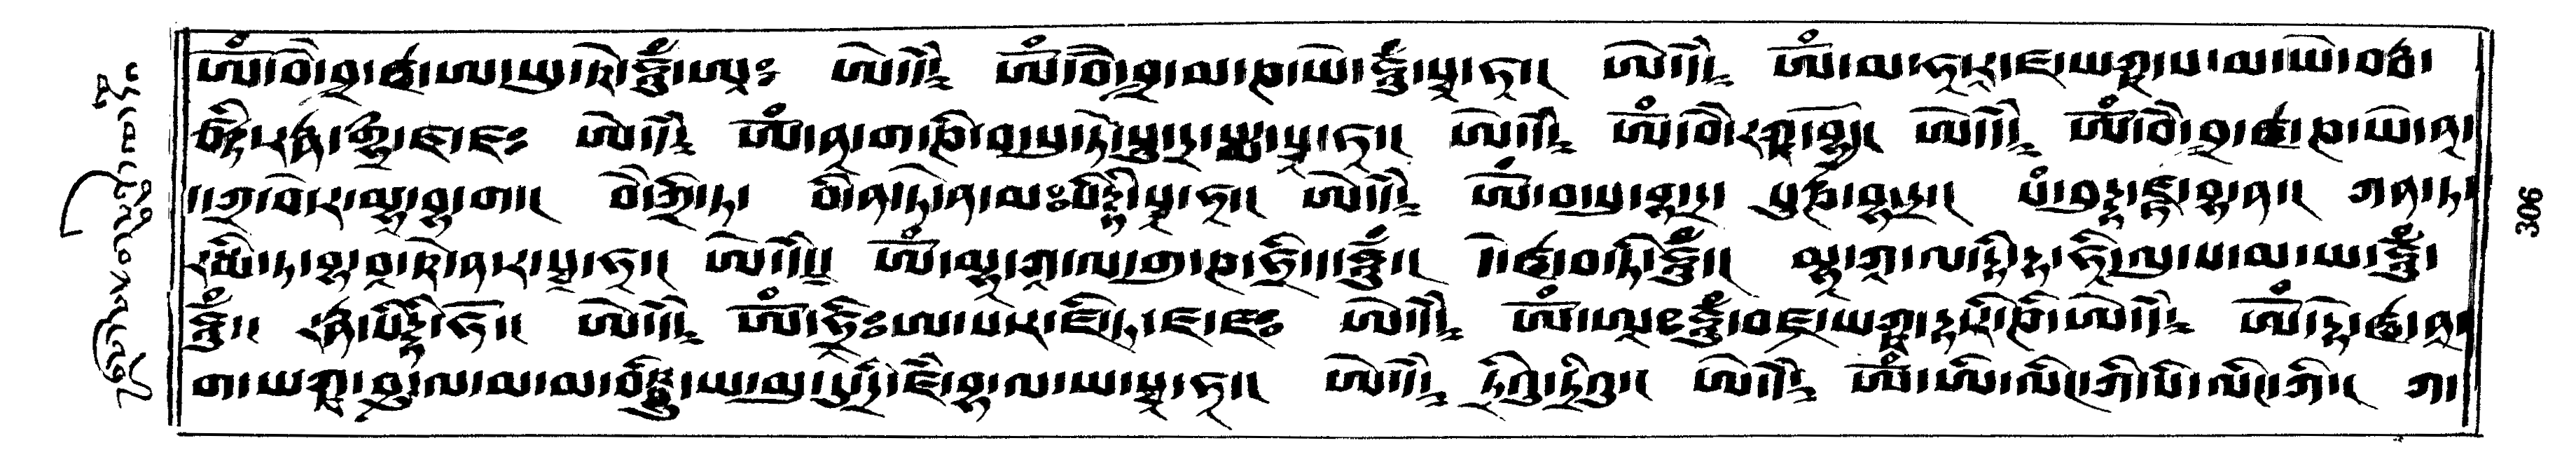ཨོཾ་བཻ་ཤྲ་ཝ་ཨ་ཡུ་རེ་ཧཱུྃ་ཨཱ༔ ཨེ་དམ༴ ཨོཾ་བཻ་ཤྲ་མ་ཎ་ཡེ་ཧཱུྃ་སྭ་ཧཱ། ཨེ་དམ༴ ཨོཾ་མ་ཧཱ་རཱ་ཛ་ཡཀྵ་ས་མ་ཡེ་སརྦ་
ཙིཏྟ་རཏྣ་གྷྭྀ་ཛ་ཛཿ ཨེ་དམ༴ ཨོཾ་ནཱ་ག་ཎི་བ་སུ་ཏེ་པཱུ་དྲ་པདྨ་སྭ་ཧཱ། ཨེ་དཾ༴ ཨོཾ་བཻ་རཀྵ་བྷྱོད། ཨེ་དཾ༴ ཨོཾ་བཻ་ཤྲ་ཝ་ཎ་ཡེ་ནཱ་
ད་ཀྲ་བེ་ར་མ་ཧཱ་ག་བཻ་ཀྲི་ཏ་བི་ན་ཏེ་ན་མཿསིདྡྷི་སྭ་ཧཱ། ཨེ་དམ༴ ཨོ་བ་སུ་བྷ་དྲ། པུརྞ་བྷ་དྲ། སཾ་བུདྡྷ་ཛྷ་བྷ་ན། ཀན་ཏ་
རསྨི་ཏ་བྷ་བཱ་རེ་ན་ར་སྭ་ཧཱ། ཨེ་དམ། ཨོཾ་མ་ཧཱ་ཀཱ་ལ་གུ་ཎ་ཧྲི་ད་ཧཱུྃ། དེ་ཝ་བ་ཏི་ཧཱུྃ། མ་ཧཱ་ཀཱ་ལ་དྷི་དྷ་ཧཱི་ལུ་ས་མ་ཡ་ཧཱུྃ། 
ཧཱུྃ། རཏྣ་སིདྡྷི་ཧོ། ཨེ་དམ༴ ཨོཾ་ཧྲཱིཿཨ་པ་ར་ཛི་ཏ་ཛ་ཛཿ ཨེ་དམ༴ ཨོཾ་ཨཱཿཧཱུྃ་བཛྲ་ཡཀྵ་དྷ་རི་ཎི། ཨེ་དམ༴ ཨོཾ་དྷེ་ཝ་ནཱ་
ག་ཡཀྵ་ཤུ་ལ་མ་མ་བིཤྣུ་ཡ་མུ་དུ་དྲི་ཛམ་བྷ་ལ་ཡ་སྭ་ཧཱ། ཨེ་དམ༴ ཏྲིའུ་ཏྲིའུ། ཨེ་དམ༴ ཨོཾ་ཨི་ལིང་ག་ཀི་པི་ལིང་ཀི། ཀ་